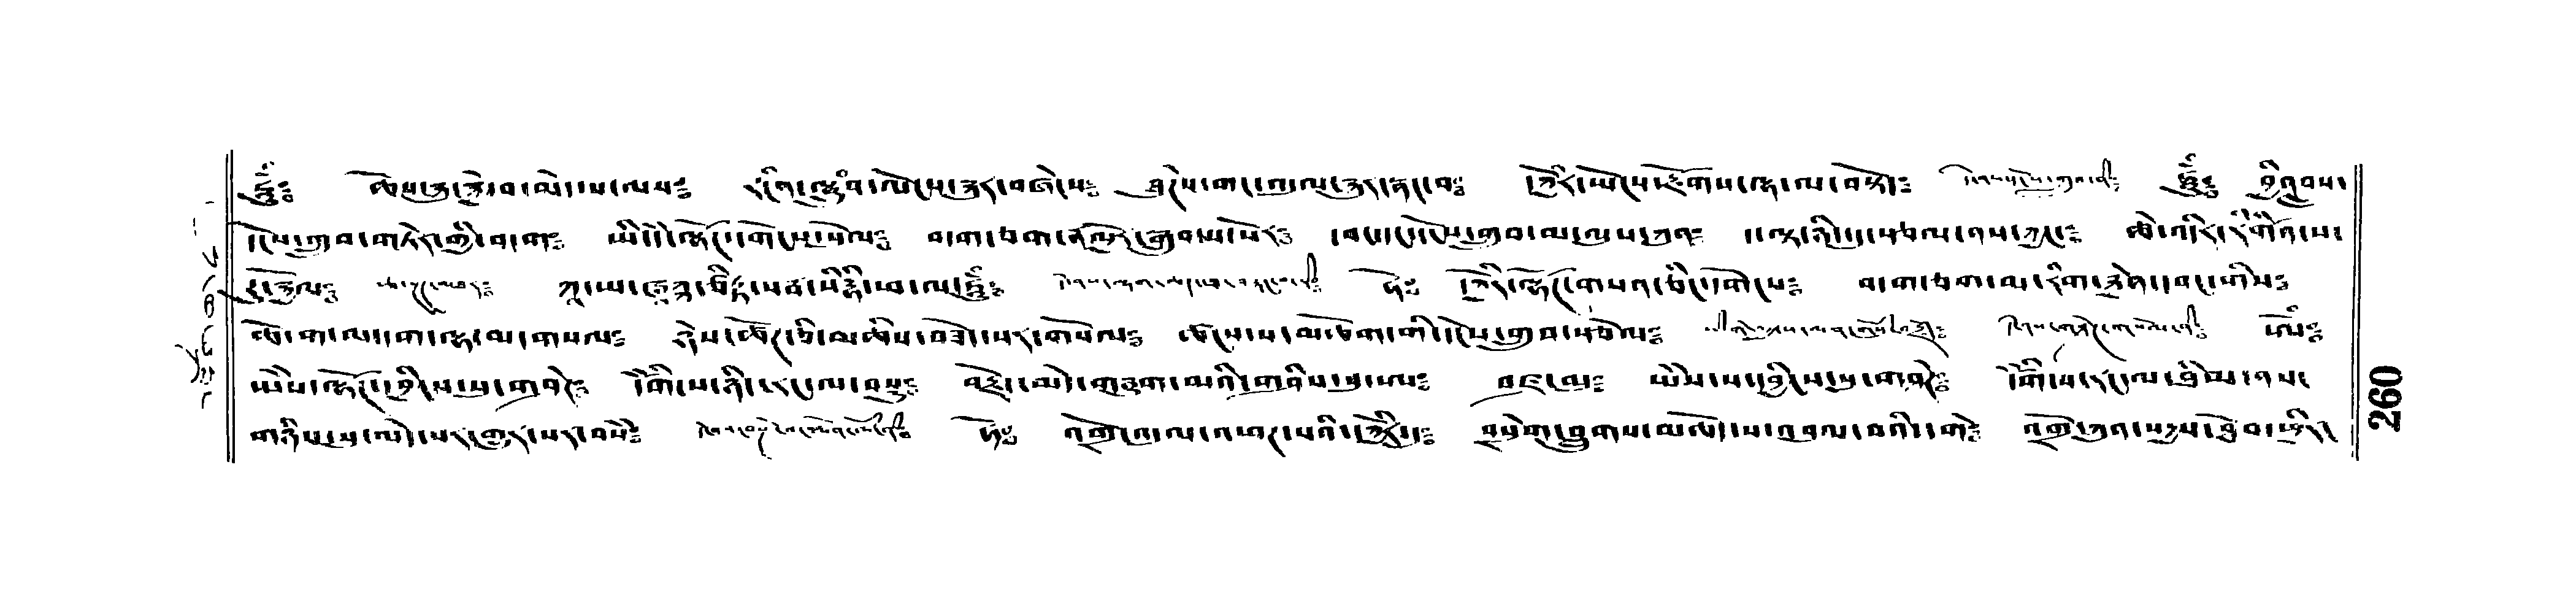ཧཱུྃ༔ ཆོས་སྐུ་སྐྱེ་བ་མེད་པ་ལས༔ རང་བཞིན་ལྷུན་གྲུབ་ལོངས་སྐུར་བཞེངསཿ ཐུགས་རྗེས་གང་འདུལ་སྐུར་སྣང་བ༔ དཀྱིལ་འཁོར་ཡོངས་རྫོགས་ལྷ་ལ་བསྟོད༔ དེ་ནས་དངོས་གྲུབ་ནི༔ ཧཱུྃ༔ བྱིན་རླབས་
དངོས་གྲུབ་གཏེར་གྱི་བདག༔ ཡི་དམ་ལྷ་ཚོགས་དགོངས་སུ་གསོལ༔ བདག་ཅག་རྣལ་འབྱོར་སྒྲུབ་པ་པོར༔ དབང་དང་དངོས་གྲུབ་མ་ལུས་ཀུན༔ ད་ལྟ་ཉིད་དུ་བསྩལ་ནས་ཀྱང༔ ཚེ་འདིར་རིག་འཛིན་ས་
རུ་སྐྱོལ༔ རྩ་སྔགས་མཐར༔ ཀཱ་ཡ་ཝཱཀྐ་ཙིཏྟ་སརྦ་སིདྡྷི་ཕ་ལ་ཧཱུྃ༔ དེ་ནས་ལྷག་ཆད་ཁ་སྐོང་བ་ནི༔ ཧོཿ དཀྱིལ་འཁོར་ལྷ་ཚོགས་གསན་ཅིང་དགོངསཿ བདག་ཅག་མ་རིག་རྐྱེན་དབང་གིས༔ 
ཆོ་ག་མ་དག་ལྷ་མ་གསལ༔ ཉེས་ཚོགས་ཅི་མཆིས་བཟོད་པར་གསོལ༔ ཚངས་པ་མཆོག་གི་དངོས་གྲུབ་སྩོལ༔ ཡི་གེ་བརྒྱ་པ་ལན་གསུམ་བརྗོད༔ དེ་ནས་གཤེགས་གསོལ་ནི༔ ཨོཾཿ 
ཡེ་ཤེས་ལྷ་ཚོགས་དབྱིངས་སུ་གཤེགས༔ དམ་ཚིག་པ་ཉིད་རང་ལ་བསྡུ༔ བརྗོད་མེད་གཉུག་མའི་གཤིས་སུ་ཨཱཿབཛྲ་མུ༔ ཡེ་ཤེས་པ་དབྱིངས་སུ་གཤེགས༔ དམ་ཚིག་པ་རང་ལ་ཐིམ་ནས་
གཉིས་སུ་མེད་པར་གྱུར་པར་བསམ༔ དེ་ནས་བསྔོ་བ་སྨོན་ལམ་ནི༔ ཧོཿ འགྲོ་འདུལ་འཕགས་པའི་དཀྱིལ་འཁོར་དུ༔ བསྲེག་བླུགས་མཆོད་པ་ཕུལ་བའི་དགེ༔ འགྲོ་ཀུན་སངས་རྒྱས་ཐོབ་ཕྱིར་